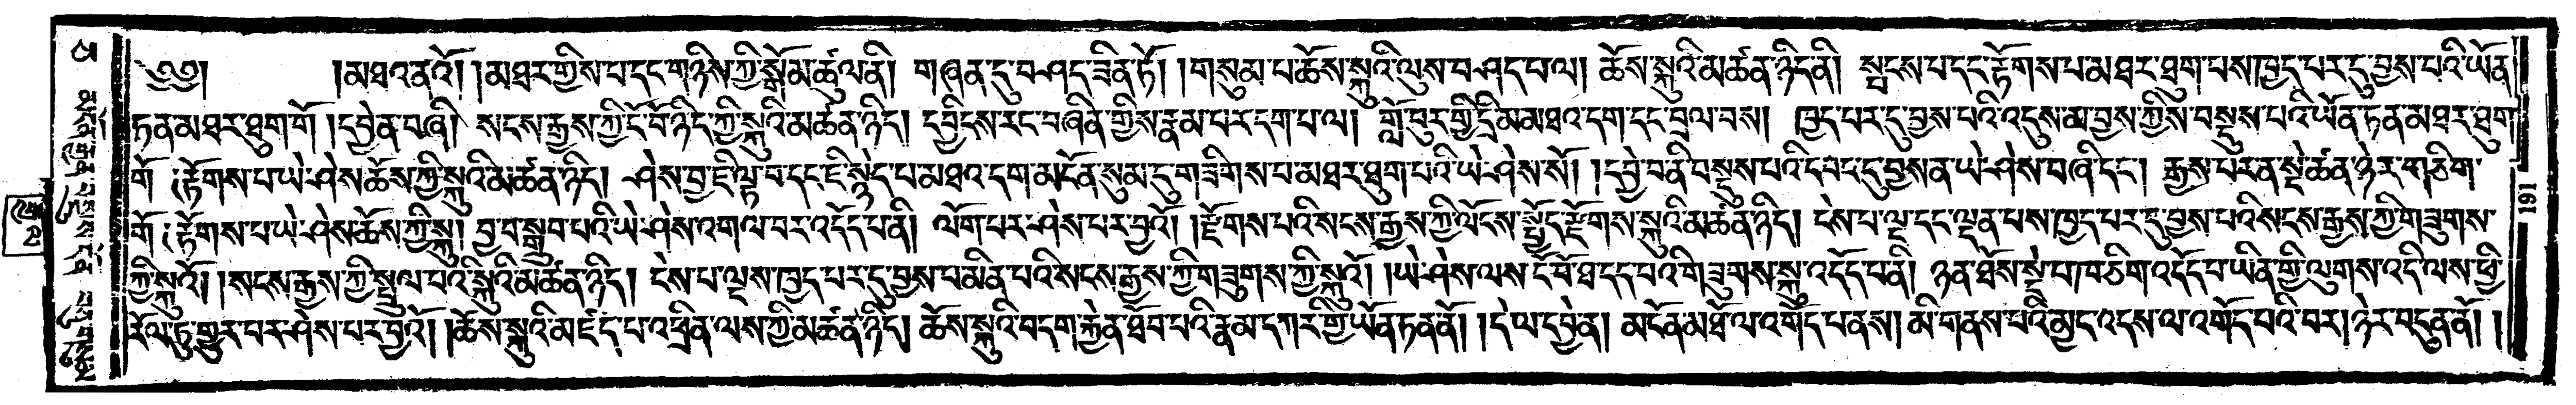༄༅། །མཐའ་ནའོ། །མཐར་གྱིས་པ་དང་གཉིས་ཀྱི་སྒོམ་ཚུལ་ནི། གཞན་དུ་བཤད་ཟིན་ཏོ། །གསུམ་པ་ཆོས་སྐུའི་ལུས་བཤད་པ་ལ། ཆོས་སྐུའི་མཚན་ཉིད་ནི། སྤངས་པ་དང་རྟོགས་པ་མཐར་ཐུག་པས་ཁྱད་པར་དུ་བྱས་པའི་ཡོན་
ཏན་མཐར་ཐུག་གོ །དབྱེ་ན་བཞི། སངས་རྒྱས་ཀྱི་ངོ་བོ་ཉིད་ཀྱི་སྐུའི་མཚན་ཉིད། དབྱིངས་རང་བཞིན་གྱིས་རྣམ་པར་དག་པ་ལ། གློ་བུར་གྱི་དྲི་མ་མཐའ་དག་དང་བྲལ་བས། ཁྱད་པར་དུ་བྱས་པའི་འདུས་མ་བྱས་ཀྱིས་བསྡུས་པའི་ཡོན་ཏན་མཐར་ཐུག་
གོ །རྟོགས་པ་ཡེ་ཤེས་ཆོས་ཀྱི་སྐུའི་མཚན་ཉིད། ཤེས་བྱ་ཇི་ལྟ་བ་དང་ཇི་སྙེད་པ་མཐའ་དག་མངོན་སུམ་དུ་གཟིགས་པ་མཐར་ཐུག་པའི་ཡེ་ཤེས་སོ། །དབྱེ་བ་ནི་བསྡུས་པའི་དབང་དུ་བྱས་ན་ཡེ་ཤེས་བཞི་དང་། རྒྱས་པར་ན་སྡེ་ཚན་ཉེར་གཅིག་
གོ །རྟོགས་པ་ཡེ་ཤེས་ཆོས་ཀྱི་སྐུ། བྱ་བ་སྒྲུབ་པའི་ཡེ་ཤེས་འགལ་བར་འདོད་པ་ནི། ལོག་པར་ཤེས་པར་བྱའོ། །རྫོགས་པའི་སངས་རྒྱས་ཀྱི་ལོངས་སྤྱོད་རྫོགས་སྐུའི་མཚན་ཉིད། ངེས་པ་ལྔ་དང་ལྡན་པས་ཁྱད་པར་དུ་བྱས་པའི་སངས་རྒྱས་ཀྱི་གཟུགས་
ཀྱི་སྐུའོ། །སངས་རྒྱས་ཀྱི་སྤྲུལ་པའི་སྐུའི་མཚན་ཉིད། ངེས་པ་ལྔས་ཁྱད་པར་དུ་བྱས་པ་མིན་པའི་སངས་རྒྱས་ཀྱི་གཟུགས་ཀྱི་སྐུའོ། །ཡེ་ཤེས་ལས་ངོ་བོ་ཐ་དད་པའི་གཟུགས་སྐུ་འདོད་པ་ནི། ཉན་ཐོས་སྡེ་པ་ཁ་ཅིག་འདོད་པ་ཡིན་གྱི་ལུགས་འདི་ལས་ཕྱི་
རོལ་ཏུ་གྱུར་པར་ཤེས་པར་བྱའོ། །ཆོས་སྐུའི་མཛད་པ་འཕྲིན་ལས་ཀྱི་མཚན་ཉིད། ཆོས་སྐུའི་བདག་རྐྱེན་ཐོབ་པའི་རྣམ་དཀར་གྱི་ཡོན་ཏན་ནོ། །དེ་ལ་དབྱེ་ན། མངོན་མཐོ་ལ་འགོད་པ་ནས། མི་གནས་པའི་མྱང་འདས་ལ་འགོད་པའི་བར། ཉེར་བདུན་ནོ། །